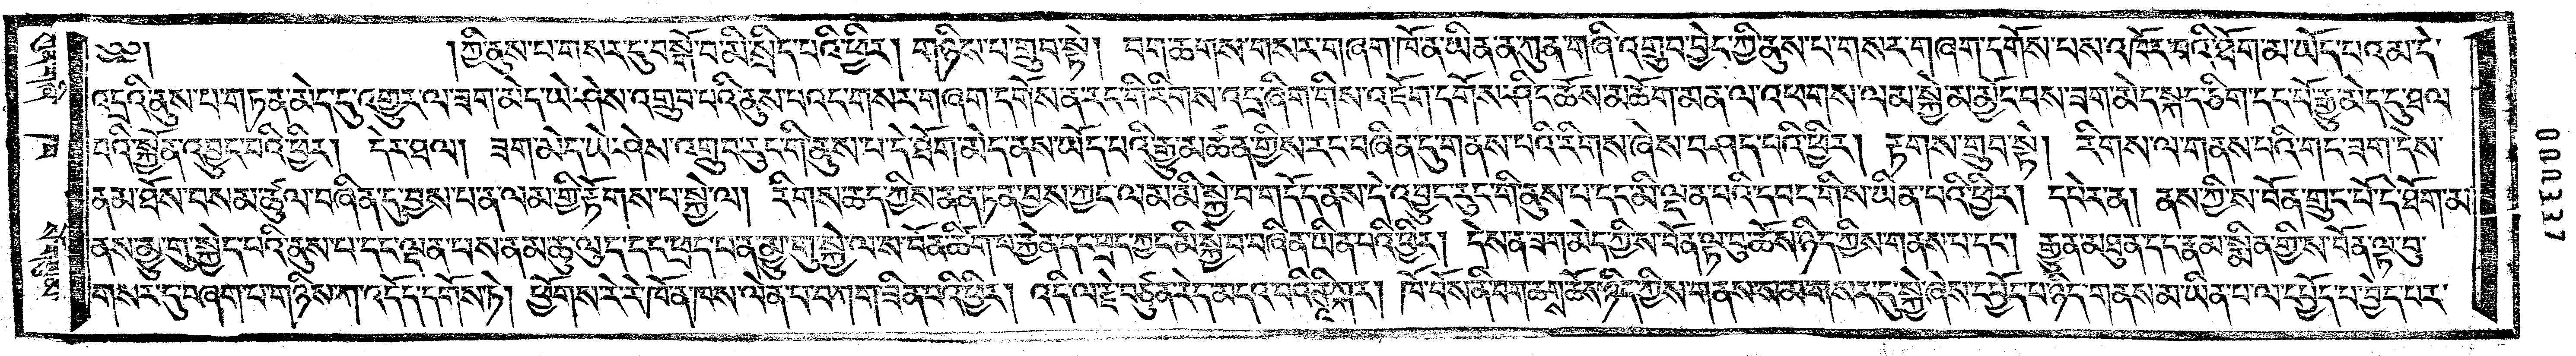༄༅། །ཀྱི་ནུས་པ་གསར་དུ་བསྒོ་བ་མི་སྲིད་བའི་ཕྱིར། གཉིས་པ་གྲུབ་སྟེ། བག་ཆགས་གསར་གཞག་ཁོ་ན་ཡིན་ན་ཀུན་གཞི་འགྲུབ་བྱེད་ཀྱི་ནུས་པ་གསར་གཞག་དགོས་པས་འཁོར་བའི་ཐོག་མ་ཡོད་པའམ་དེ་
འདྲའི་ནུས་པ་གཏན་མེད་དུ་འགྱུར་ལ་ཟག་མེད་ཡེ་ཤེས་འགྲུབ་པའི་ནུས་པའང་གསར་གཞག་དགོས་ན་རང་གི་རིགས་འདྲ་ཞིག་གིས་འཇོག་དགོས་ཤིང་ཆོས་མཆོག་མན་ལ་འཕགས་ལམ་སྐྱེ་མ་མྱོང་བས་ཟག་མེད་སྐད་ཅིག་དང་པོ་རྒྱུ་མེད་དུ་ཐལ་
བའི་སྐྱོན་འབྱུང་བའི་ཕྱིར། དེར་ཐལ། ཟག་མེད་ཡེ་ཤེས་འགྲུབ་རུང་གི་ནུས་པ་དེ་ཐོག་མེད་ནས་ཡོད་པའི་རྒྱུ་མཚན་གྱིས་རང་བཞིན་དུ་གནས་པའི་རིགས་ཞེས་བཤད་པའི་ཕྱིར། རྟགས་གྲུབ་སྟེ། རིགས་ལ་གནས་པའི་གང་ཟག་དེས་
ནམ་ཐོས་བསམ་ཚུལ་བཞིན་དུ་བྱས་པ་ན་ལམ་གྱི་རྟོགས་པ་སྐྱེ་ལ། རིགས་ཆད་ཀྱིས་ནན་ཏན་བྱས་ཀྱང་ལམ་མི་སྐྱེ་བ་གདོད་ནས་དེ་འབྱུང་རུང་གི་ནུས་པ་དང་མི་ལྡན་པའི་དབང་གིས་ཡིན་པའི་ཕྱིར། དཔེར་ན། ནས་ཀྱི་ས་བོན་གྲུང་པོ་དེ་ཐོག་མ་
ནས་མྱུ་གུ་སྐྱེད་པའི་ནུས་པ་དང་ལྡན་པས་ནམ་ཆུ་ལུད་དང་ཕྲད་པ་ན་མྱུ་གུ་སྐྱེ་ལ་ས་བོན་ཚིག་པ་རྐྱེན་དང་ཕྲད་ཀྱང་མི་སྐྱེ་བ་བཞིན་ཡིན་པའི་ཕྱིར། དེས་ན་ཟག་མེད་ཀྱི་ས་བོན་ལྟ་བུ་ཆོས་ཉིད་ཀྱིས་གནས་པ་དང་། རྒྱུན་མཐུན་དང་རྣམ་སྨིན་གྱི་ས་བོན་ལྟ་བུ་
གསར་དུ་བཞག་པ་གཉིས་ཀ་འདོད་དགོས་ཏེ། ཕྱོགས་རེ་རེ་ཁོ་ན་ཁས་ལེན་པ་བཀག་ཟིན་པའི་ཕྱིར། འདི་ལ་རྗེ་བཙུན་རེད་མདའ་བའི་ཊཱིཀྐར། ཁོ་བོས་ནི་བག་ཆགས་ཆོས་ཉིད་ཀྱིས་གནས་སམ་གསར་དུ་སྐྱེ་ཞེས་དཔྱོད་པ་ཉིད་གནས་མ་ཡིན་པ་ལ་དཔྱོད་པ་བྱེད་པར་